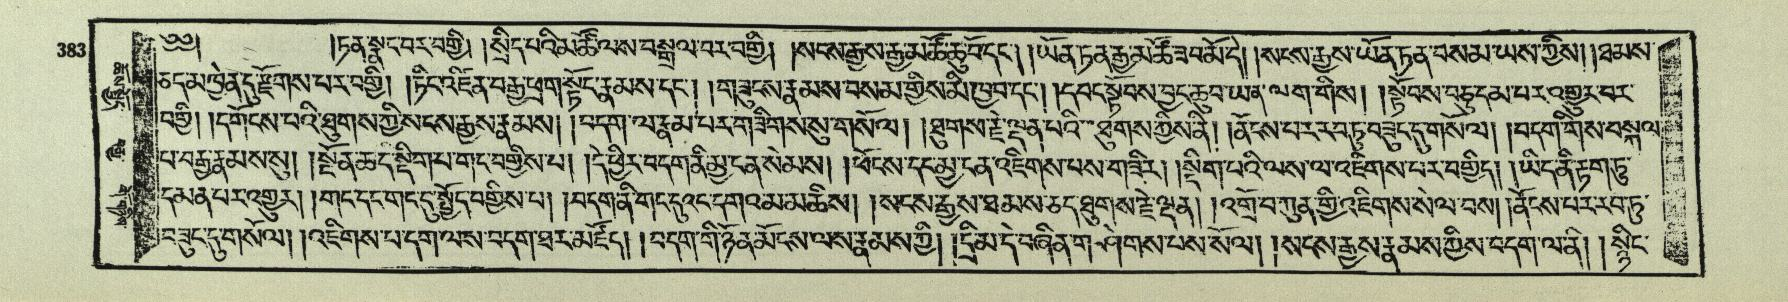༄༅། །ཏན་སྣང་བར་བགྱི། །སྲིད་པའི་མཚོ་ལས་བསྒྲལ་བར་བགྱི། །སངས་རྒྱས་རྒྱ་མཚོ་ཆུ་བོ་དང་། །ཡོན་ཏན་རྒྱ་མཚོ་ཟབ་མོ་དེ། །སངས་རྒྱས་ཡོན་ཏན་བསམ་ཡས་ཀྱིས། །ཐམས་
ཅད་མཁྱེན་དུ་རྫོགས་པར་བགྱི། །ཏིང་འཛིན་བརྒྱ་སྟོང་རྣམས་དང་། །གཟུངས་རྣམས་བསམ་གྱིས་མི་ཁྱབ་དང་། །དབང་སྟོབས་བྱང་ཆུབ་ཡན་ལག་གིས། །སྟོབས་བཅུ་དམ་པར་འགྱུར་བར་
བགྱི། །དགོངས་པའི་ཐུགས་ཀྱི་སངས་རྒྱས་རྣམས། །བདག་ལ་རྣམ་པར་གཟིགས་སུ་གསོལ། །ཐུགས་རྗེ་ལྡན་པའི་ཐུགས་ཀྱིས་ནི། །ནོངས་པར་རབ་ཏུ་བཟུང་དུ་གསོལ། །བདག་གིས་བསྐལ་
པ་བརྒྱ་རྣམས་སུ། །སྔོན་ཆད་སྡིག་པ་གང་བགྱིས་པ། །དེ་ཕྱིར་བདག་ནི་མྱ་ངན་སེམས། །ཕོངས་དང་མྱ་ངན་འཇིགས་པས་གཟིར། །སྡིག་པའི་ལས་ལ་འཇིགས་པར་བགྱིད། །ཡིད་ནི་རྟག་ཏུ་
དམན་པར་འགྱུར། །གང་དང་གང་དུ་སྤྱོད་བགྱིས་པ། །བདག་ནི་གང་དུའང་དགའ་མ་མཆིས། །སངས་རྒྱས་ཐམས་ཅད་ཐུགས་རྗེ་ལྡན། །འགྲོ་བ་ཀུན་གྱི་འཇིགས་སེལ་བས། །ནོངས་པར་རབ་ཏུ་
བཟུང་དུ་གསོལ། །འཇིགས་པ་དག་ལས་བདག་ཐར་མཛོད། །བདག་གི་ཉོན་མོངས་ལས་རྣམས་ཀྱི། །དྲི་མ་དེ་བཞིན་གཤེགས་པས་སོལ། །སངས་རྒྱས་རྣམས་ཀྱིས་བདག་ལ་ནི། །སྙིང་